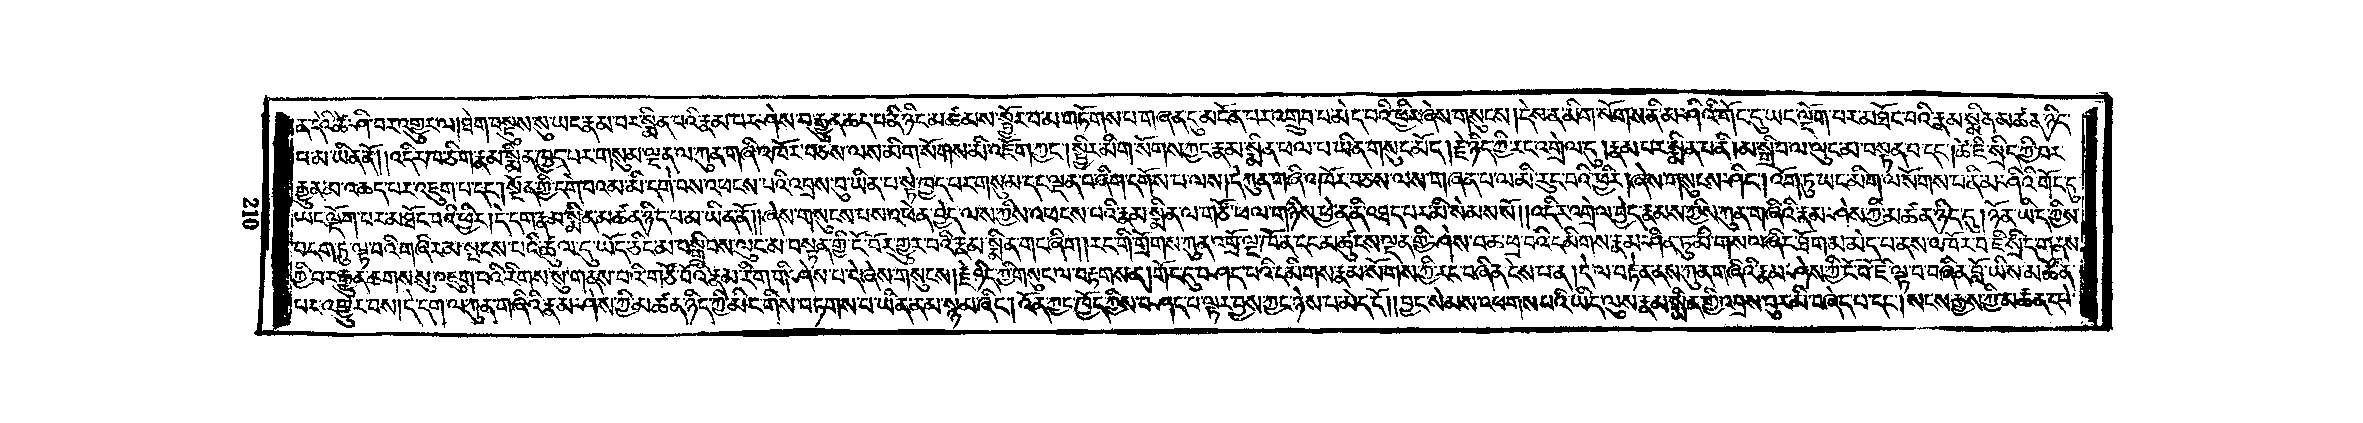ན་དེའི་ཚེ་ཤི་བར་འགྱུར་ལ། ཐེག་བསྡུས་སུ་ཡང་རྣམ་པར་སྨིན་པའི་རྣམ་པར་ཤེས་པ་རྒྱུན་ཆད་པ་ནི་ཉིང་མཚམས་སྦྱོར་བ་མ་གཏོགས་པ་གཞན་དུ་མངོན་པར་འགྲུབ་པ་མེད་པའི་ཕྱིར་ཞེས་གསུངས། དེས་ན་མིག་སོགས་ནི་མ་ཤིའི་གོང་དུ་ཡང་ལྡོག་པར་མཐོང་བའི་རྣམ་སྨིན་མཚན་ཉིད་
པ་མ་ཡིན་ནོ། །འདིར་ཁ་ཅིག་རྣམ་སྨིན་ཁྱད་པར་གསུམ་ལྡན་ལ་ཀུན་གཞི་འཁོར་བཅས་ལས་མིག་སོགས་མི་འཇོག་ཀྱང་། སྤྱིར་མིག་སོགས་ཀྱང་རྣམ་སྨིན་ཕལ་པ་ཡིན་གསུང་མོད། རྗེ་ཉིད་ཀྱི་རང་འགྲེལ་དུ། རྣམ་པར་སྨིན་པ་ནི། མ་སྒྲིབ་ལ་ལུང་མ་བསྟན་པ་དང་། ཚེ་ཇི་སྲིད་ཀྱི་བར་
རྒྱུན་མ་འཆད་པར་འཇུག་པ་དང་། སྔོན་གྱི་དགེ་བའམ་མི་དགེ་བས་འཕངས་པའི་འབྲས་བུ་ཡིན་པ་སྟེ་ཁྱད་པར་གསུམ་དང་ལྡན་པ་ཞིག་དགོས་པ་ལས། དེ་ཀུན་གཞི་འཁོར་བཅས་ལས་གཞན་པ་ལ་མི་རུང་བའི་ཕྱིར། ཞེས་གསུངས་ཤིང་། འོག་ཏུ་ཡང་མིག་ལ་སོགས་པ་ནི་མ་ཤིའི་གོང་དུ་
ཡང་ལྡོག་པར་མཐོང་བའི་ཕྱིར། དེ་དག་རྣམ་སྨིན་མཚན་ཉིད་པ་མ་ཡིན་ནོ། །ཞེས་གསུངས་པས་འཕེན་བྱེད་ལས་ཀྱིས་འཕངས་པའི་རྣམ་སྨིན་ལ་གཙོ་ཕལ་གཉིས་ཕྱེ་ན་ནི་འཐད་པར་མི་སེམས་སོ། །འདིར་འགྲེལ་བྱེད་རྣམས་ཀྱིས་ཀུན་གཞིའི་རྣམ་ཤེས་ཀྱི་མཚན་ཉིད་དུ། ཉོན་ཡིད་ཀྱིས་
བདག་ཏུ་ལྟ་བའི་གཞིར་མ་སྤངས་པའི་ཚུལ་དུ་ཡོད་ཅིང་མ་བསྒྲིབས་ལུང་མ་བསྟན་གྱི་ངོ་བོར་གྱུར་བའི་རྣམ་སྨིན་གང་ཞིག །རང་གི་གྲོགས་ཀུན་འགྲོ་ལྔ་ཁོ་ན་དང་མཚུངས་ལྡན་གྱི་ཤེས་པ་ཆ་ཕྲ་བའི་དམིགས་རྣམ་ཤིན་ཏུ་མི་གསལ་ཞིང་ཐོག་མ་མེད་པ་ནས་འཁོར་བ་ཇི་སྲིད་གནས་
ཀྱི་བར་རྒྱུན་ཆགས་སུ་འཇུག་པའི་རིགས་སུ་གནས་པའི་གཙོ་བོའི་རྣམ་རིག་གི་ཤེས་པ་དེ་ཞེས་གསུངས། རྗེ་ཉིད་ཀྱི་གསུང་ལ་བརྟགས་ན། གོང་དུ་བཤད་པའི་དམིགས་རྣམ་སོགས་ཀྱི་རང་བཞིན་ངེས་པ་ན། དེ་ལ་བརྟེན་ནས་ཀུན་གཞིའི་རྣམ་ཤེས་ཀྱི་ངོ་བོ་ཇི་ལྟ་བ་བཞིན་བློ་ཡིས་མཚོན་
པར་འགྱུར་བས། དེ་དག་ལ་ཀུན་གཞིའི་རྣམ་ཤེས་ཀྱི་མཚན་ཉིད་ཀྱི་མིང་གིས་བཏགས་པ་ཡིན་ན་མ་སྙམ་ཞིང་། འོན་ཀྱང་ཁྱོད་ཀྱིས་བཤད་པ་ལྟར་བྱས་ཀྱང་ཉེས་པ་མེད་དོ། །བྱང་སེམས་འཕགས་པའི་ཡིད་ལུས་རྣམ་སྨིན་གྱི་འབྲས་བུར་མི་བཞེད་པ་དང་། སངས་རྒྱས་ཀྱི་མཚན་དཔེ་